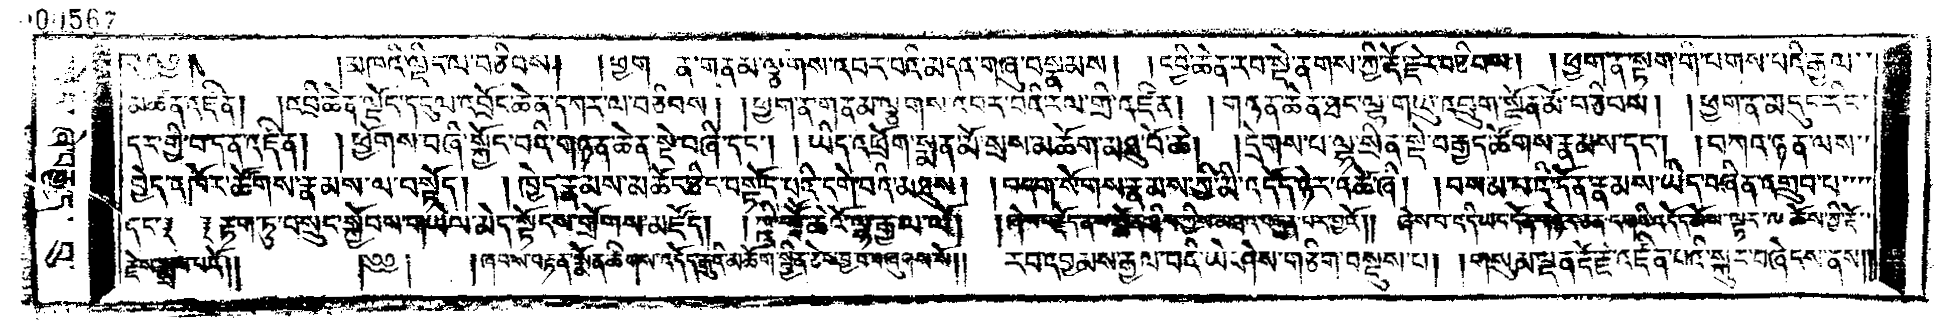༄༅། །མཁའི་ལྡིང་ལ་བཅིབས། །ཕྱག་ན་གནམ་ལྕགས་འབར་བའི་མདའ་གཞུ་བསྣམས། །དབྱི་ཆེན་རབ་སྡེ་ནགས་ཀྱི་རྡོ་རྗེར་བཅིབས། །ཕྱག་ན་སྟག་གི་པགས་པའི་རྒྱལ་
མཚན་འཛིན། །འབྲི་ཆེན་ལྡོང་དངུལ་འབྲོང་ཆེན་དཀར་ལ་བཅིབས། །ཕྱག་ན་གནམ་ལྕགས་འབར་བའི་རལ་གྲི་འཛིན། །གཉན་ཆེན་ཐང་ལྷ་གཡུ་འབྲུག་སྔོན་མོ་བཅིབས། །ཕྱག་ན་མདུང་རིང་
དར་གྱི་བ་དན་འཛིན། །ཕྱོགས་བཞི་སྐྱོང་བའི་གཉན་ཆེན་སྡེ་བཞི་དང་། །ཡིད་འཕྲོག་སྨན་མོ་སྲས་མཆོག་མཐུ་བོ་ཆེ། །དྲེགས་པ་ལྷ་སྲིན་སྡེ་བརྒྱད་ཚོགས་རྣམས་དང་། །བཀའ་ཉན་ལས་
བྱེད་འཁོར་ཚོགས་རྣམས་ལ་བསྟོད། །ཁྱེད་རྣམས་མཆོད་ཅིང་བསྟོད་པའི་དགེ་བའི་མཐུས། །བདག་སོགས་རྣམས་ཀྱི་མི་འདོད་ཉེར་འཚེ་ཞི། །བསམ་པའི་དོན་རྣམས་ཡིད་བཞིན་འགྲུབ་པ་
དང༑ ༑རྟག་ཏུ་བསྲུང་སྐྱོབས་གཡེལ་མེད་སྟོངས་གྲོགས་མཛོད། །ཀཱི་སྭཽ་ཆེའོ་ལྷ་རྒྱལ་ལོ། །ཞེས་བརྗོད་ནས་སྨོན་ཤིས་ཀྱིས་མཐའ་བརྒྱན་པར་བྱའོ། །ཞེས་པ་འདི་ཡང་དོན་གཉེར་ཅན་དགའི་འདོད་མོས་ལྟར་༧་ཆོས་ཀྱི་རྡོ་
རྗེས་སྨྲས་པའོ།། །༄༅། །ཞབས་བརྟན་སྨོན་ཚིགས་འདོད་རྒུའི་མཆོག་སྦྱིན་ཅེས་བྱ་བ་བཞུགས་སོ། །རབ་འབྱམས་རྒྱལ་བའི་ཡེ་ཤེས་གཅིག་བསྡུས་པ། །གསུམ་ལྡན་རྡོ་རྗེ་འཛིན་པའི་སྐུར་བཞེངས་ནས། །